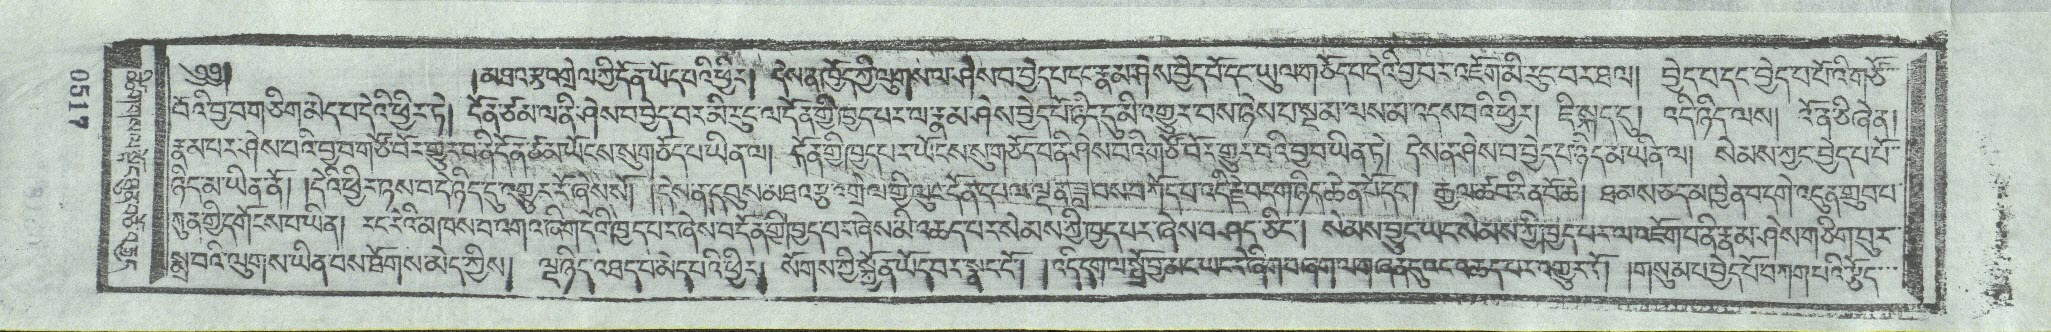༄༅། །མཐའ་རྩ་འགྲེལ་གྱི་དོན་ཡོད་པའི་ཕྱིར། དེས་ན་ཁྱོད་ཀྱི་ལུགས་ལ་ཤེས་པ་བྱེད་པ་དང་རྣམ་ཤེས་བྱེད་པོ་དང་ཡུལ་གཅོད་པ་དེའི་བྱ་བར་འཇོག་མི་རུང་བར་ཐལ། བྱེད་པ་དང་བྱེད་པ་པོའི་གཙོ་
བོའི་བྱ་བ་གཅིག་མེད་པ་དེའི་ཕྱིར་ཏེ། དོན་ཙམ་ལ་ནི་ཤེས་པ་བྱེད་པར་མི་རུང་ལ་དོན་གྱི་ཁྱད་པར་ལ་རྣམ་ཤེས་བྱེད་པོ་ཉིད་དུ་མི་འགྱུར་བས་ཉེས་པ་སྔ་མ་ལས་མ་འདས་པའི་ཕྱིར། ཇི་སྐད་དུ། འདི་ཉིད་ལས། འོ་ན་ཅི་ཞེ་ན།
རྣམ་པར་ཤེས་པའི་བྱ་བ་གཙོ་བོར་གྱུར་བ་ནི་དོན་ཙམ་ཡོངས་སུ་གཅོད་པ་ཡིན་ལ། དོན་གྱི་ཁྱད་པར་ཡོངས་སུ་གཅོད་པ་ནི་ཤེས་པའི་གཙོ་བོར་གྱུར་བའི་བྱ་བ་ཡིན་ཏེ། དེས་ན་ཤེས་པ་བྱེད་པ་ཉིད་མ་ཡིན་ལ། སེམས་ཀྱང་བྱེད་པ་པོ་
ཉིད་མ་ཡིན་ནོ། །དེའི་ཕྱིར་ཉས་པ་དེ་ཉིད་དུ་འགྱུར་རོ་ཞེས་སོ། །དེས་ན་དབུས་མཐའ་རྩ་འགྲེལ་གྱི་ལུང་དོན་དཔལ་ལྡན་ཟླ་བས་བཀོད་པ་འདི་རྗེ་བདག་ཉིད་ཆེན་པོ་དང་། རྒྱལ་ཚབ་རིན་པོ་ཆེ། ཐམས་ཅད་མཁྱེན་པ་དགེ་འདུན་གྲུབ་པ་
ཀུན་གྱི་དགོངས་པ་ཡིན། རང་རེའི་མཁས་པ་འགའ་ཞིག་དེའི་ཁྱད་པར་ཞེས་པ་དོན་གྱི་ཁྱད་པར་ཞེས་མི་འཆད་པར་སེམས་ཀྱི་ཁྱད་པར་ཞེས་བཤད་ཅིང་། སེམས་བྱུང་ཡང་སེམས་ཀྱི་ཁྱད་པར་ལ་འཇོག་པ་ནི་རྣམ་ཤེས་གཅིག་པུར་
སྨྲ་བའི་ལུགས་ཡིན་པས་ཐོགས་མེད་ཀྱིས། ལྔ་ཉིད་འཐད་པ་མེད་པའི་ཕྱིར། སོགས་ཀྱི་སྐྱོན་ཡོད་པར་སྣང་ངོ། །འདི་དག་ལ་སྤྲོ་བྱ་མང་ཡང་རེ་ཞིག་བཞག་ལ་གཞན་དུའང་འཆད་པར་འགྱུར་རོ། །གསུམ་པ་བྱེད་པོ་བཀག་པའི་རྩོད་